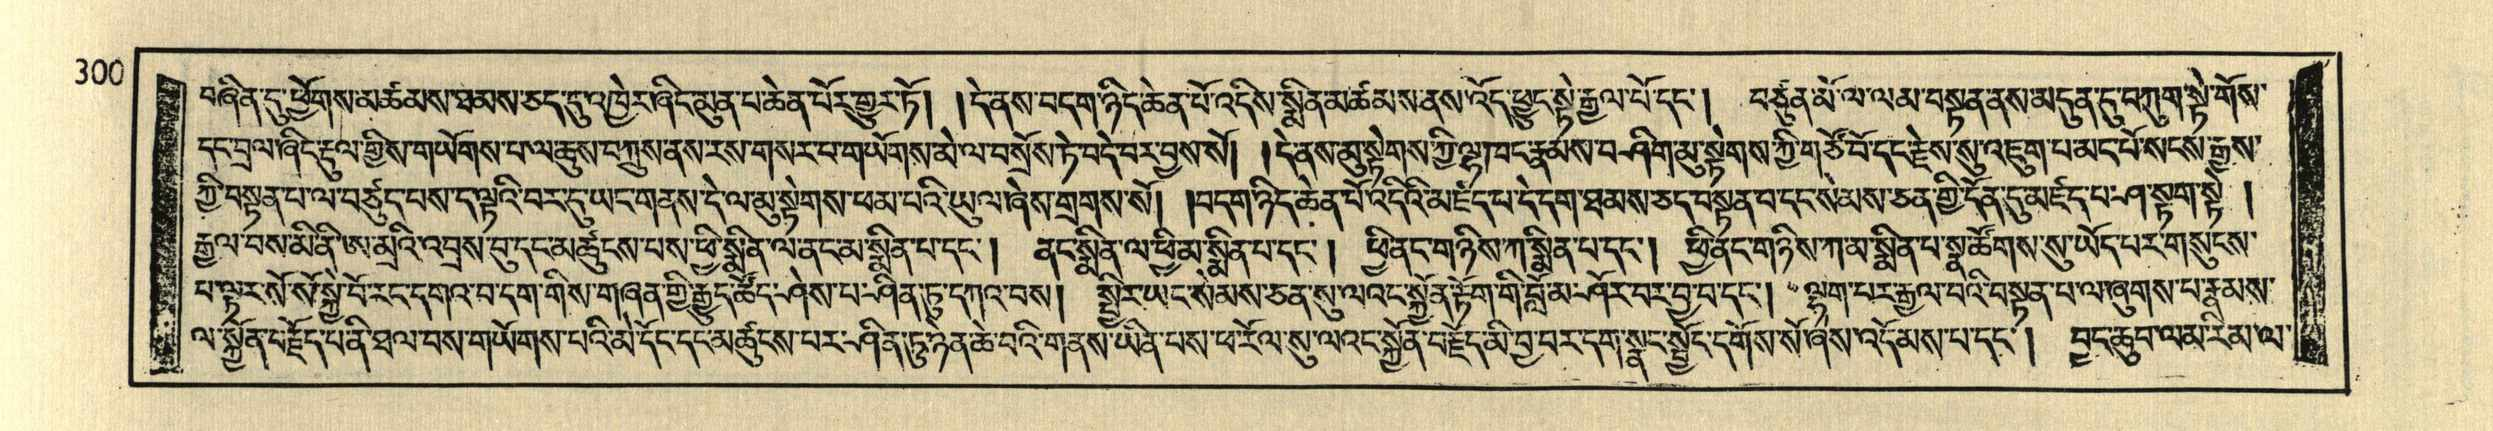བཞིན་དུ་ཕྱོགས་མཚམས་ཐམས་ཅད་དུ་འཁྱེར་ཞིང་མུན་པ་ཆེན་པོར་གྱུར་ཏོ། །དེ་ནས་བདག་ཉིད་ཆེན་པོ་འདིས་སྨིན་མཚམས་ནས་འོད་ཕྱུང་སྟེ་རྒྱལ་པོ་དང་། བཙུན་མོ་ལ་ལམ་བསྟན་ནས་མདུན་དུ་བཀུག་སྟེ་གོས་
དང་བྲལ་ཞིང་རྡུལ་གྱིས་གཡོགས་པ་ལ་ཆུས་བཀྲུས་ནས་རས་གསར་པ་གཡོགས་མེ་ལ་བསྲོས་ཏེ་བདེ་བར་བྱས་སོ། །དེ་ནས་མུ་སྟེགས་ཀྱི་ལྷ་ཁང་རྣམས་བཤིག་མུ་སྟེགས་ཀྱི་གཙོ་བོ་དང་རྗེས་སུ་འཇུག་པ་མང་པོ་སངས་རྒྱས་
ཀྱི་བསྟན་པ་ལ་བཙུད་པས་ད་ལྟའི་བར་དུ་ཡང་གནས་དེ་ལ་མུ་སྟེགས་ཕམ་པའི་ཡུལ་ཞེས་གྲགས་སོ། །བདག་ཉིད་ཆེན་པོ་འདིའི་མཛད་པ་དེ་དག་ཐམས་ཅད་བསྟན་པ་དང་སེམས་ཅན་གྱི་དོན་དུ་མཛད་པ་ཤ་སྟག་སྟེ།
རྒྱལ་བས་མི་ནི་ཨ་མྲའི་འབྲས་བུ་དང་མཚུངས་པས་ཕྱི་སྨིན་ལ་ནང་མ་སྨིན་པ་དང་། ནང་སྨིན་ལ་ཕྱི་མ་སྨིན་པ་དང་། ཕྱི་ནང་གཉིས་ཀ་སྨིན་པ་དང་། ཕྱི་ནང་གཉིས་ཀ་མ་སྨིན་པ་སྣ་ཚོགས་སུ་ཡོད་པར་གསུངས་
པ་ལྟར་སོ་སོ་སྐྱེ་བོ་རང་དགའ་བ་དག་གིས་གཞན་གྱི་རྒྱུད་ཚོད་ཤེས་པ་ཤིན་ཏུ་དཀའ་བས། སྤྱིར་ཡང་སེམས་ཅན་སུ་ལའང་སྐྱོན་རྟོག་གི་བློ་མ་ཤོར་བར་བྱ་བ་དང་། ལྷག་པར་རྒྱལ་བའི་བསྟན་པ་ལ་ཞུགས་པ་རྣམས་
ལ་སྐྱོན་བརྗོད་པ་ནི་ཐལ་བས་གཡོགས་པའི་མེ་དོང་དང་མཚུངས་པར་ཤིན་ཏུ་ཉེན་ཆེ་བའི་གནས་ཡིན་པས་ཕ་རོལ་སུ་ལའང་སྐྱོན་བརྗོད་མི་བྱ་བར་དག་སྣང་སྦྱོང་དགོས་སོ་ཞེས་འདོམས་པ་དང་། བྱང་ཆུབ་ལམ་རིམ་ལ་